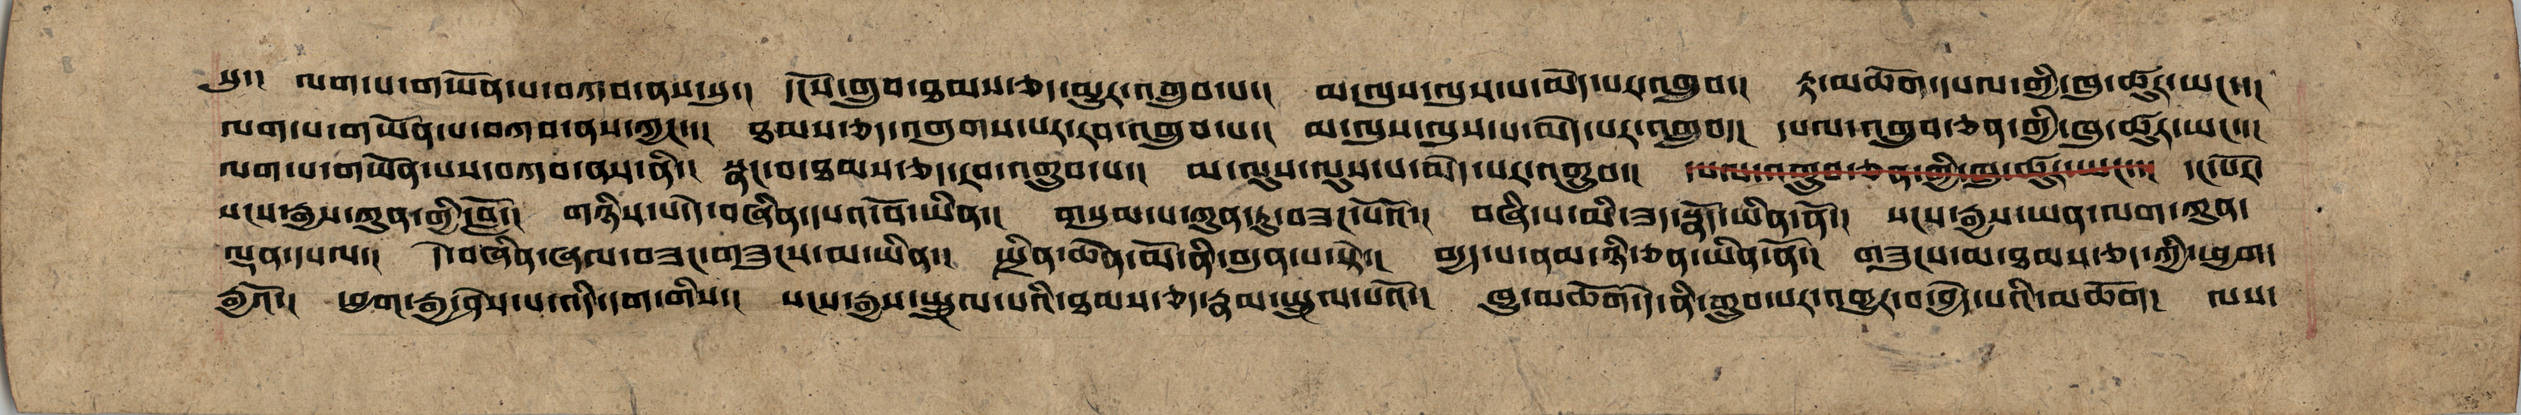སུ་། ལག་པ་གཡོན་པ་བཀབ་ནས་སུ་། དངོས་གྲུབ་ཐམས་ཅད་མྱུར་འགྲུབ་པ་། མ་ལུས་ལུས་པ་མེད་པར་འགྲུབ་། རྟ་མཆོག་དཔལ་གྱི་ཁུ་ཚུར་ཡང་་།
ལག་པ་གཡོན་པ་བཀབ་ནས་ཀྱང་་། ཐམས་ཅད་འགུགས་པར་རབ་འགྲུབ་པ་། མ་ལུས་ལུས་པ་མེད་པར་འགྲུབ་། དཔལ་འགྲུབ་ཅན་གྱི་ཁུ་ཚུར་ཡང་་།
ལག་པ་གཡོན་པས་བཀབ་ནས་ནི་། སྣང་བ་ཐམས་ཅད་རབ་འགྲུབ་པ་། མ་ལུས་ལུས་པ་མེད་པར་འགྲུབ་། དཔལ་འགྲུབ་ཅན་གྱི་ཁུ་ཚུར་ཡང་་། དང་པོར་
སངས་རྒྱས་ཀུན་གྱི་བློ་། གཉིས་པ་དེ་བཞིན་དཔའ་བོ་ཡིན་། གསུམ་པ་ཀུན་ཏུ་བཟང་པོའོ་། བཞི་པ་མི་ཟད་སྣོད་ཡིན་ནོ་། སངས་རྒྱས་ཡན་ལག་ཀུན་
ལྡན་དཔལ་། དེ་བཞིན་ཞལ་བཟང་གཟུངས་མ་ཡིན་། སྤྲིན་ཆེན་མོ་ནི་བདུན་པ་སྟེ་། བདྱད་པ་ནམ་ཉི་ཅན་ཡིན་ནོ་། གཟུངས་མ་ཐམས་ཅད་ཀྱི་ཕྱག་
རྒྱའོ་། ཕྱག་རྒྱ་ཤེས་པ་འདི་དག་གིས་། སངས་རྒྱས་སྤྲུལ་པའི་ཐམས་ཅད་རྣམ་སྤྲུལ་པའོ་། ཁྱུ་མཆོག་དེ་ནི་གྲུབ་པར་འགྱུར་བ་བྱེད་པའི་མཆོག་། ལས་